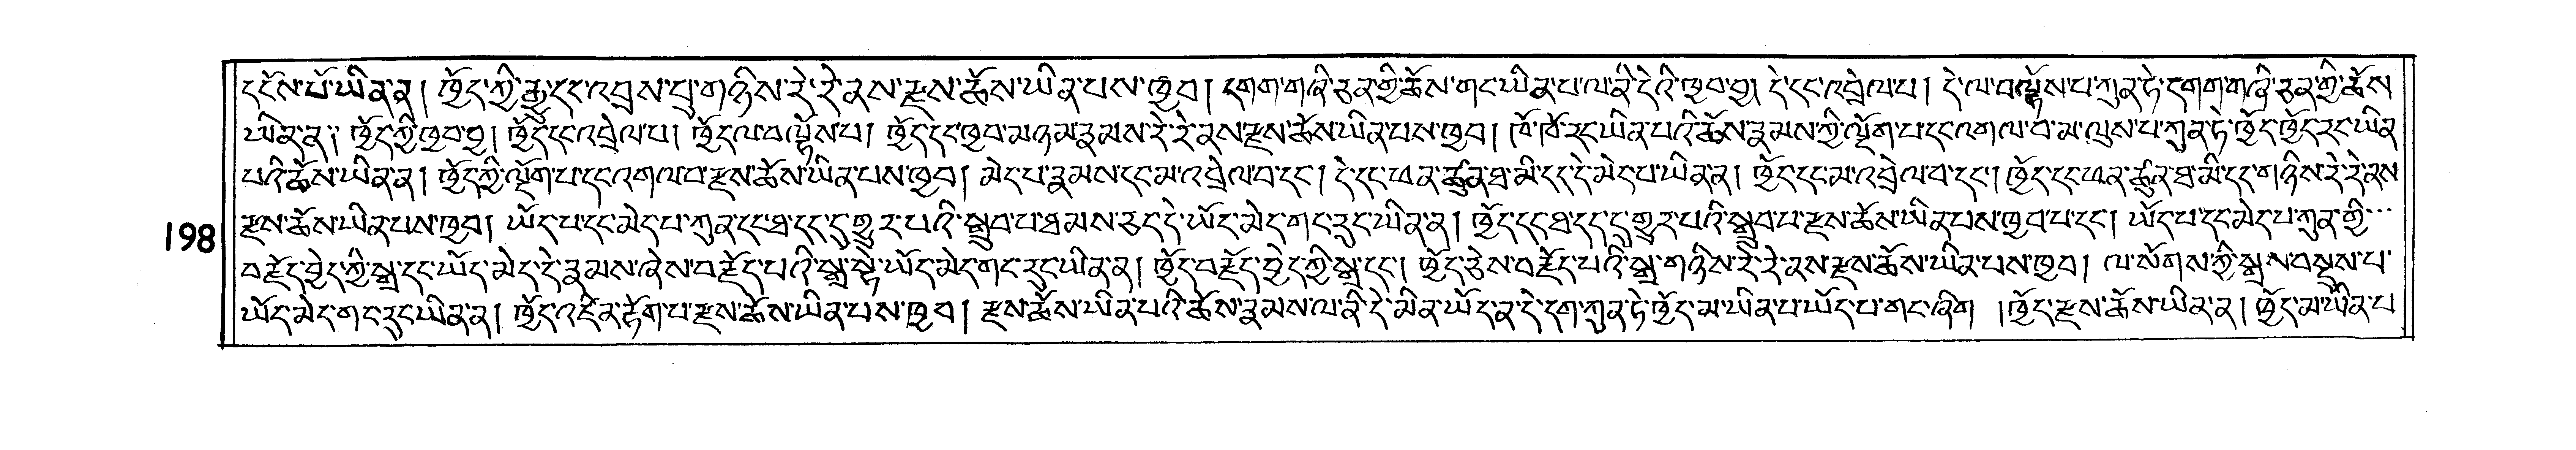དངོས་པོ་ཡིན་ན། ཁྱོད་ཀྱི་རྒྱུ་དང་འབྲས་བུ་གཉིས་རེ་རེ་ནས་རྫས་ཆོས་ཡིན་པས་ཁྱབ། དགག་གཞི་ཅན་གྱི་ཆོས་གང་ཡིན་པ་ལ་ནི་དེའི་ཁྱབ་བྱ། དེ་དང་འབྲེལ་པ། དེ་ལ་བལྟོས་པ་ཀུན་ཏེ་དགག་གཞི་ཅན་གྱི་ཆོས་
ཡིན་ན༑ ཁྱོད་ཀྱི་ཁྱབ་བྱ། ཁྱོད་དང་འབྲེལ་པ། ཁྱོད་ལ་བལྟོས་པ། ཁྱོད་དང་ཁྱབ་མཉམ་རྣམས་རེ་རེ་ནས་རྫས་ཆོས་ཡིན་པས་ཁྱབ། ཁོ་ཁོ་རང་ཡིན་པའི་ཆོས་རྣམས་ཀྱི་ལྡོག་པ་དང་འགལ་བ་མ་ལུས་པ་ཀུན་ཏེ་ཁྱོད་ཁྱོད་རང་ཡིན་
པའི་ཆོས་ཡིན་ན། ཁྱོད་ཀྱི་ལྡོག་པ་དང་འགལ་བ་རྫས་ཆོས་ཡིན་པས་ཁྱབ། མེད་པ་རྣམས་དང་མ་འབྲེལ་བ་དང་། དེ་དང་ཕན་ཚུན་ཐ་མི་དད་དེ་མེད་པ་ཡིན་ན། ཁྱོད་དང་མ་འབྲེལ་བ་དང་། ཁྱོད་དང་ཕན་ཚུན་ཐ་མི་དད་གཉིས་རེ་རེ་ནས་
རྫས་ཆོས་ཡིན་པས་ཁྱབ། ཡོད་པ་དང་མེད་པ་ཀུན་དང་ཐ་དད་དུ་གྱུར་པའི་སྒྲུབ་པ་ཐམས་ཅད་དེ་ཡོད་མེད་གང་རུང་ཡིན་ན། ཁྱོད་དང་ཐ་དད་དུ་གྱུར་པའི་སྒྲུབ་པ་རྫས་ཆོས་ཡིན་པས་ཁྱབ་པ་དང་། ཡོད་པ་དང་མེད་པ་ཀུན་གྱི་
བརྗོད་བྱེད་ཀྱི་སྒྲ་དང་ཡོད་མེད་དེ་རྣམས་ཞེས་བརྗོད་པའི་སྒྲ་སྟེ་ཡོད་མེད་གང་རུང་ཡིན་ན། ཁྱོད་བརྗོད་བྱེད་ཀྱི་སྒྲ་དང་། ཁྱོད་ཅེས་བརྗོད་པའི་སྒྲ་གཉིས་རེ་རེ་ནས་རྫས་ཆོས་ཡིན་པས་ཁྱབ། ལ་སོགས་ཀྱི་སྒྲས་བསྡུས་པ་
ཡོད་མེད་གང་རུང་ཡིན་ན། ཁྱོད་འཛིན་རྟོག་པ་རྫས་ཆོས་ཡིན་པས་ཁྱབ། རྫས་ཆོས་ཡིན་པའི་ཆོས་རྣམས་ལ་ནི་དེ་མིན་ཡོད་ན་དེ་དག་ཀུན་ཏེ་ཁྱོད་མ་ཡིན་པ་ཡོད་པ་གང་ཞིག །ཁྱོད་རྫས་ཆོས་ཡིན་ན། ཁྱོད་མ་ཡིན་པ་